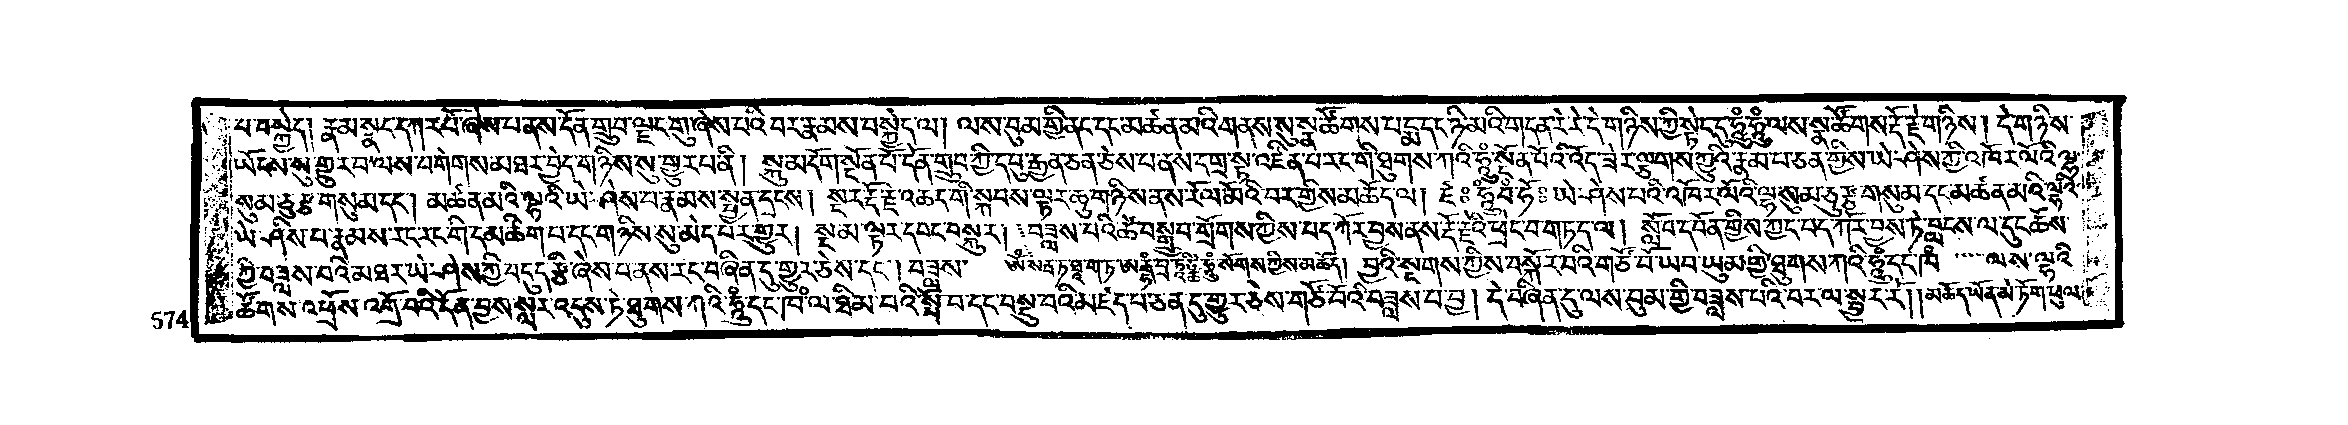པ་བསྐྱེད། རྣམ་སྣང་དཀར་པོ་ཞེས་པ་ནས་དོན་གྲུབ་ལྗང་གུ་ཞེས་པའི་བར་རྣམས་བསྐྱེད་ལ། ལས་བུམ་གྱི་ནང་དང་མཚན་མའི་གནས་སུ་སྣ་ཚོགས་པདམ་དང་ཉི་མའི་གདན་རེ་རེ་དེ་གཉིས་ཀྱི་སྟེང་དུ་ཧཱུཾ་ཧཱུཾ་ལས་སྣ་ཚོགས་རྡོ་རྗེ་གཉིས། དེ་གཉིས་
ཡོངས་སུ་གྱུར་བ་ལས་བགེགས་མཐར་བྱེད་གཉིས་སུ་གྱུར་པ་ནི། སྐུ་མདོག་སྔོན་པོ་དོན་གྲུབ་ཀྱི་དབུ་རྒྱན་ཅན་ཅེས་པ་ནས་དགྲ་སྟ་འཛིན་པ་རང་གི་ཐུགས་ཀའི་ཧཱུཾ་སྔོན་པོའི་འོད་ཟེར་ལྕགས་ཀྱུའི་རྣམ་པ་ཅན་གྱིས་ཡེ་ཤེས་ཀྱི་འཁོར་ལོའི་ལྷ་
སུམ་ཅུ་རྩ་གསུམ་དང་། མཚན་མའི་ལྷའི་ཡེ་ཤེས་པ་རྣམས་སྤྱན་དྲངས། སྔར་རྡོ་རྗེ་འཆང་གི་སྐབས་ལྟར་ཆུ་གཉིས་ནས་རོལ་མོའི་བར་གྱིས་མཆོད་ལ། ཛཿ ཧཱུཾ་བཾ་ཧོཿ ཡེ་ཤེས་པའི་འཁོར་ལོའི་ལྷ་སུམ་ཅུ་རྩ་གསུམ་དང་མཚན་མའི་ལྷའི་
ཡེ་ཤེས་པ་རྣམས་རང་རང་གི་དམ་ཚིག་པ་དང་གཉིས་སུ་མེད་པར་གྱུར། སྔ་མ་ལྟར་དབང་བསྐུར། བཟླས་པའི་ཚེ་བསྒྲུབ་གྲོགས་ཀྱིས་པད་ཀེར་བྱས་ནས་རྡོ་རྗེའི་ཕྲེང་བ་གཏད་ལ། སློབ་དཔོན་གྱིས་ཀྱང་པད་ཀོར་བྱས་ཏེ་བླངས་ལ་དུང་ཆོས་
ཀྱི་བཟླས་པའི་མཐར་ཡེ་ཤེས་ཀྱི་བདུད་རྩི་ཞེས་པ་ནས་རང་བཞིན་དུ་གྱུར་ཅེས་དང་། བཟླས་ཨོཾ་སརྦ་ཏ་ཐཱ་ག་ཏ་ཨརྒྷཾ་པྲ་ཏཱི་ཙྪ་ཧཱུཾ་སོགས་ཀྱིས་མཆོད། བྱའི་སྔགས་ཀྱིས་བསྐོར་བའི་གཙོ་བོ་ཡབ་ཡུམ་གྱི་ཐུགས་ཀའི་ཧཱུཾ་དང་ཁཾ་ལས་ལྷའི་
ཚོགས་འཕྲོས་འགྲོ་བའི་དོན་བྱས་སླར་འདུས་ཏེ་ཐུགས་ཀའི་ཧཱུཾ་དང་ཁཾ་ལ་ཐིམ་པའི་སྤྲོ་བ་དང་བསྡུ་བའི་མཛད་པ་ཅན་དུ་གྱུར་ཅེས་གཙོ་བོའི་བཟླས་པ་བྱ། དེ་བཞིན་དུ་ལས་བུམ་གྱི་བཟླས་པའི་བར་ལ་སྦྱར་རོ། །མཆོད་ཡོན་མེ་ཏོག་ཕུལ་